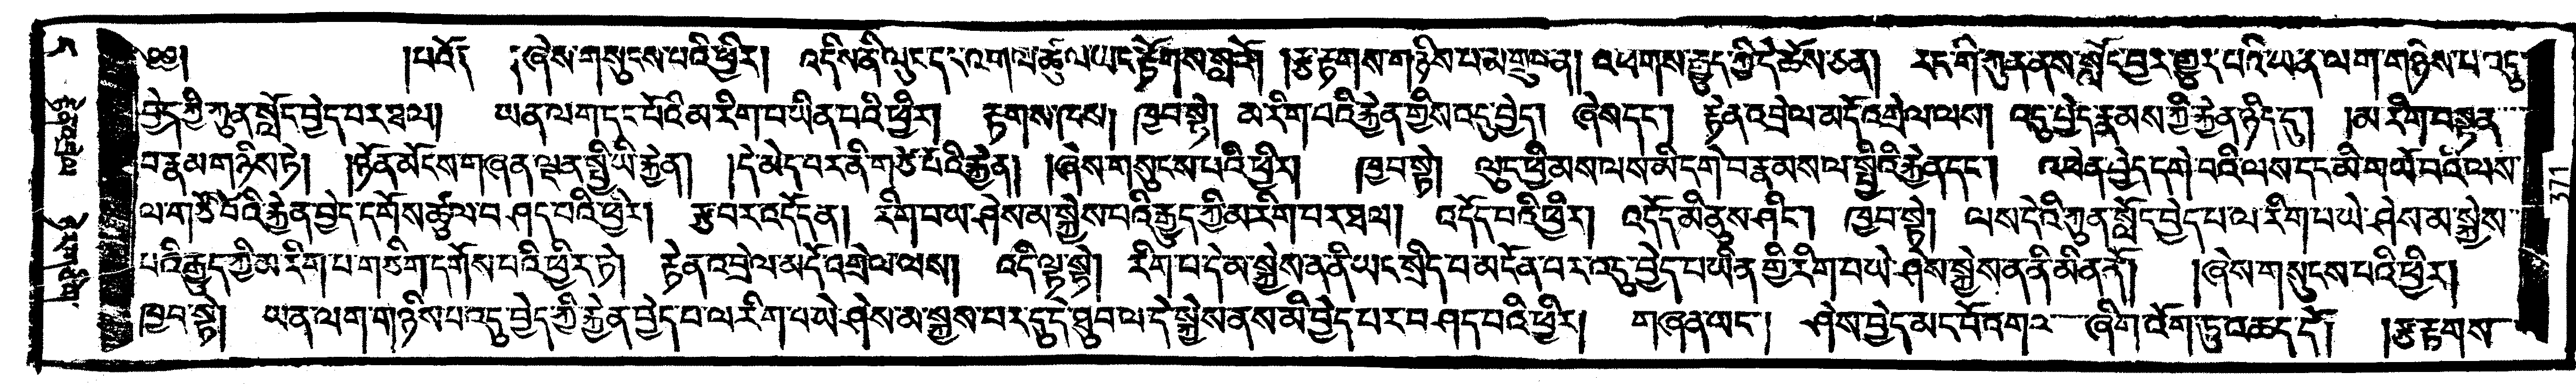༄༅། །པའོ༑ ༑ཞེས་གསུངས་པའི་ཕྱིར། འདིས་ནི་ལུང་དང་འགལ་ཚུལ་ཡང་རྟོགས་སླའོ། །རྩ་རྟགས་གཉིས་པ་མ་གྲུབ་ན། འཕགས་རྒྱུད་ཀྱི་དེ་ཆོས་ཅན། རང་གི་ཀུན་ནས་སློང་བྱར་གྱུར་པའི་ཡན་ལག་གཉིས་པ་འདུ་
བྱེད་ཀྱི་ཀུན་སློང་བྱེད་པར་ཐལ། ཡན་ལག་དང་པོའི་མ་རིག་པ་ཡིན་པའི་ཕྱིར། རྟགས་ཁས། ཁྱབ་སྟེ། མ་རིག་པའི་རྐྱེན་གྱིས་འདུ་བྱེད། ཞེས་དང་། རྟེན་འབྲེལ་མདོ་འགྲེལ་ལས། འདུ་བྱེད་རྣམས་ཀྱི་རྐྱེན་ཉིད་དུ། །མ་རིག་བསྟན་
པ་རྣམ་གཉིས་ཏེ། །ཉོན་མོངས་གཞན་ལྡན་སྤྱི་ཡི་རྐྱེན། །དེ་མེད་པར་ནི་གཙོ་བོའི་རྐྱེན། །ཞེས་གསུངས་པའི་ཕྱིར། ཁྱབ་སྟེ། ལུང་ཕྱི་མས་ལས་མི་དགེ་བ་རྣམས་ལ་སྤྱིའི་རྐྱེན་དང་། འཕེན་བྱེད་དགེ་བའི་ལས་དང་མི་གཡོ་བའི་ལས་
ལ་གཙོ་བོའི་རྐྱེན་བྱེད་དགོས་ཚུལ་བཤད་པའི་ཕྱིར། རྩ་བར་འདོད་ན། རིག་པ་ཡ་ཤེས་མ་སྐྱེས་པའི་རྒྱུད་ཀྱི་མ་རིག་པར་ཐལ། འདོད་པའི་ཕྱིར། འདོད་མི་ནུས་ཤིང་། ཁྱབ་སྟེ། ལས་དེའི་ཀུན་སློང་བྱེད་པ་ལ་རིག་པ་ཡེ་ཤེས་མ་སྐྱེས་
པའི་རྒྱུད་ཀྱི་མ་རིག་པ་གཅིག་དགོས་པའི་ཕྱིར་ཏེ། རྟེན་འབྲེལ་མདོ་འགྲེལ་ལས། འདི་ལྟ་སྟེ། རིག་པ་དེ་མ་སྐྱེས་ན་ནི་ཡང་སྲིད་པ་མངོན་པར་འདུ་བྱེད་པ་ཡིན་གྱི་རིག་པ་ཡེ་ཤེས་སྐྱེས་ན་ནི་མིན་ནོ། །ཞེས་གསུངས་པའི་ཕྱིར།
ཁྱབ་སྟེ། ཡན་ལག་གཉིས་པ་འདུ་བྱེད་ཀྱི་རྐྱེན་བྱེད་པ་ལ་རིག་པ་ཡེ་ཤེས་མ་སྐྱས་པར་དུ་དེ་ཐུབ་ལ་དེ་སྐྱེས་ནས་མི་བྱེད་པར་བཤད་པའི་ཕྱིར། གཞན་ཡང་། ཤེས་བྱེད་མང་པོ་འགའ་ཞིག་འོག་ཏུ་འཆད་དོ། །རྩ་རྟགས་